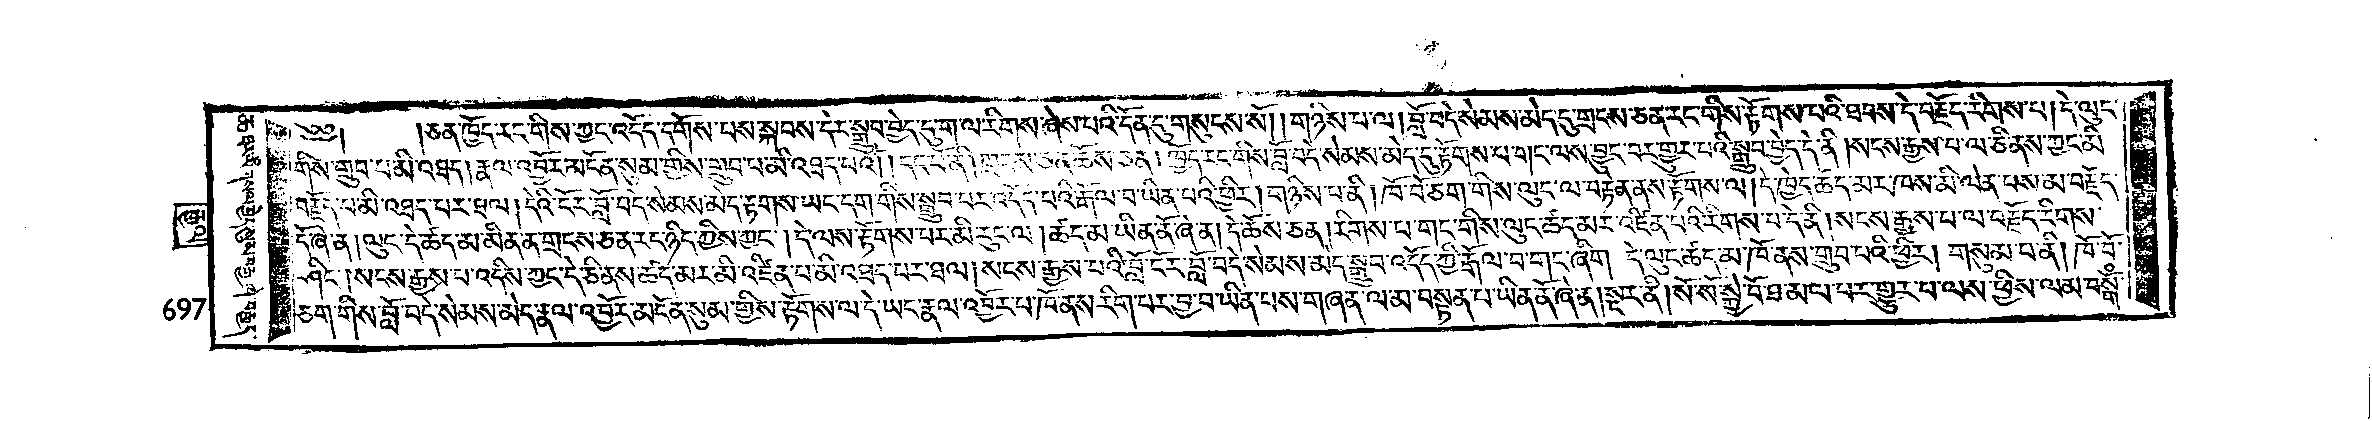༄༅། །ཅན་ཁྱོད་རང་གིས་ཀྱང་འདོད་དགོས་པས་སྐབས་དེར་སྒྲུབ་བྱེད་དུ་ག་ལ་རིགས་ཞེས་པའི་དོན་དུ་གསུངས་སོ། །གཉིས་པ་ལ། བློ་བདེ་སེམས་མེད་དུ་གྲངས་ཅན་རང་གིས་རྟོགས་པའི་ཐབས་དེ་བརྗོད་རིགས་པ། དེ་ལུང་
གིས་གྲུབ་པ་མི་འཐད། རྣལ་འབྱོར་མངོན་སུམ་གྱིས་གྲུབ་པ་མི་འཐད་པའོ། །དང་པོ་ནི། གྲངས་ཅན་ཆོས་ཅན། ཁྱོད་རང་གིས་བློ་བདེ་སེམས་མེད་དུ་རྟོགས་པ་གང་ལས་བྱུང་བར་གྱུར་པའི་སྒྲུབ་བྱེད་དེ་ནི། སངས་རྒྱས་པ་ལ་ཅི་ནས་ཀྱང་མི་
བརྗོད་པ་མི་འཐད་པར་ཐལ། དེའི་ངོར་བློ་བདེ་སེམས་མེད་རྟགས་ཡང་དག་གིས་སྒྲུབ་པར་འདོད་པའི་རྒོལ་བ་ཡིན་པའི་ཕྱིར། གཉིས་པ་ནི། ཁོ་བོ་ཅག་གིས་ལུང་ལ་བརྟེན་ནས་རྟོགས་ལ། དེ་ཁྱེད་ཚད་མར་ཁས་མི་ལེན་པས་མ་བརྗོད་
དོ་ཞེ་ན། ལུང་དེ་ཚད་མ་མིན་ན་གྲངས་ཅན་རང་ཉིད་ཀྱིས་ཀྱང་། དེ་ལས་རྟོགས་པར་མི་རུང་ལ། ཚད་མ་ཡིན་ནོ་ཞེ་ན། དེ་ཆོས་ཅན། རིགས་པ་གང་གིས་ལུང་ཚད་མར་འཛིན་པའི་རིགས་པ་དེ་ནི། སངས་རྒྱས་པ་ལ་བརྗོད་རིགས་
ཤིང་། སངས་རྒྱས་པ་འདིས་ཀྱང་དེ་ཅི་ནས་ཚད་མར་མི་འཛིན་པ་མི་འཐད་པར་ཐལ། སངས་རྒྱས་པའི་བློ་ངོར་བློ་བདེ་སེམས་མེད་སྒྲུབ་འདོད་ཀྱི་རྒོལ་བ་གང་ཞིག། དེ་ལུང་ཚད་མ་ཁོ་ནས་གྲུབ་པའི་ཕྱིར། གསུམ་པ་ནི། ཁོ་བོ་
ཅག་གིས་བློ་བདེ་སེམས་མེད་རྣལ་འབྱོར་མངོན་སུམ་གྱིས་རྟོགས་ལ་དེ་ཡང་རྣལ་འབྱོར་པ་ཁོ་ནས་རིག་པར་བྱ་བ་ཡིན་པས་གཞན་ལ་མ་བསྟན་པ་ཡིན་ནོ་ཞེ་ན། སྔར་ནི། སོ་སོ་སྐྱེ་བོ་ཐ་མལ་པར་གྱུར་པ་ལས་ཕྱིས་ལམ་བསྒོམ་